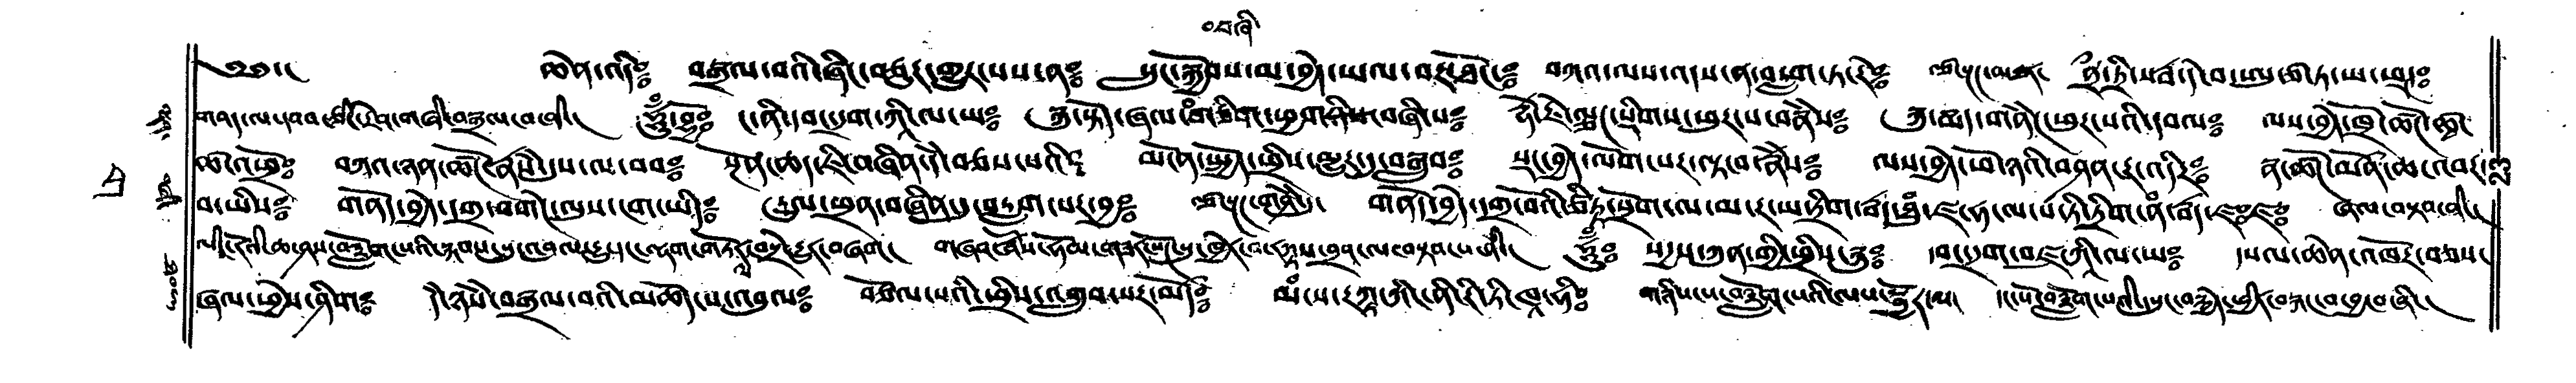ཆེན་འདི༔ བསྒྲལ་བའི་ཞིང་བཅུར་གྱུར་པས་ན༔ སྲུང་སྐྱོབས་མ་བྱེད་ཡལ་བར་ཐོངས༔ བཀའ་ལས་འདས་ན་བརླག་ཏ་རེ༔ རྩ་སྔགས་མཐར། ནྲྀ་ཏྲི་སརྦ་དེ་བ་ཨུ་ཙ་ཏ་ཡ་ཕཊ༔ 
གནད་ལ་དབབ་ཅིང་རྟེན་གཞི་བསྒྲལ་བ་ནི། ཧྃའུ་བྷྱོ༔ ང་ནི་དབང་དྲག་ཀཱི་ལ་ཡ༔ སྐུ་སྟོད་ཞལ་བཞི་ཕྱག་བཞི་པ༔ རྡོ་རྗེ་ལྕགས་སྡིག་ཕུར་པ་བསྣམས༔ སྐུ་སྨད་གནམ་ལྕགས་ཕུར་པའི་དབལ༔ ལས་བྱེད་ཁྲོ་ཚོགས་ཚྭ་ཚྭ་
འཕྲོ༔ བཀའ་ཉན་ཚོགས་རྣམས་དུས་ལ་བབ༔ སྔོན་ཆད་ཇི་བཞིན་དམ་བཅས་པའི༔ མངོན་སྤྱོད་ཕྲིན་ལས་མྱུར་དུ་སྒྲུབས༔ སྡང་བྱེད་ལོག་པར་ལྟ་བ་རྣམས༔ ལས་བྱེད་ཕོ་ཉའི་བཤས་ར་འདིར༔ སྣ་ཚོགས་མཚོན་ཆ་འབར་
བ་ཡིས༔ གནོད་བྱེད་དགྲ་བགེགས་ལུས་ངག་ཡིད༔ རྡུལ་ཕྲན་བཞིན་དུ་བརླག་པར་བྱ༔ རྩ་སྔགས་གཤམ་དུ། གནོད་བྱེད་དགྲ་བོའི་ཙིཏྟ་སྲོག་ལ་མ་ར་ཡ་ཏྲིག་རྦད་ཐུཾ་ཛ་ཧ་ལ་པ་ཏི་ཏྲིག་ནཾ་རྦད་ཛཿཛ༔ ཞལ་བསྟབ་ནི། 
ལིང་རོའི་ཆ་ཤས་བཟློག་པའི་སྐབས་སུ་འབུལ་རྒྱུ་དངལྷག་གཏོར་ལ་བསྲེ་རྒྱུར་བཞག གཞན་རྣམས་ཧོམ་གཟར་སོགས་སུ་ཁྱེར་བ་རཀྟས་བྲན་ལ་སྟོབ་པ་ནི། ཧཱུྃ༔ སངས་རྒྱས་ཀུན་གྱི་ཕྲིན་ལས་སྐུ༔ དབང་དྲག་བཛྲ་ཀཱི་ལ་ཡ༔ དཔལ་ཆེན་འཁོར་བཅས་
ཞལ་ཕྱེས་ཤིག༔ དམ་ཉམས་བསྒྲལ་བའི་མཆོད་པ་འབུལ༔ བཅོལ་པའི་ཕྲིན་ལས་འགྲུབ་པར་མཛོད༔ མཾ་ས་རཀྟ་ཀིང་ནི་རི་ཏི་ཁཱ་ཧི༔ གཉིས་པ་བཟློག་པའི་ལས་སྦྱོར་ལ། དང་པོ་བཟློག་པའི་དཔུང་བསྐྱེད་ཕྱིར་བསྐང་བ་བྱ་བ་ནི།